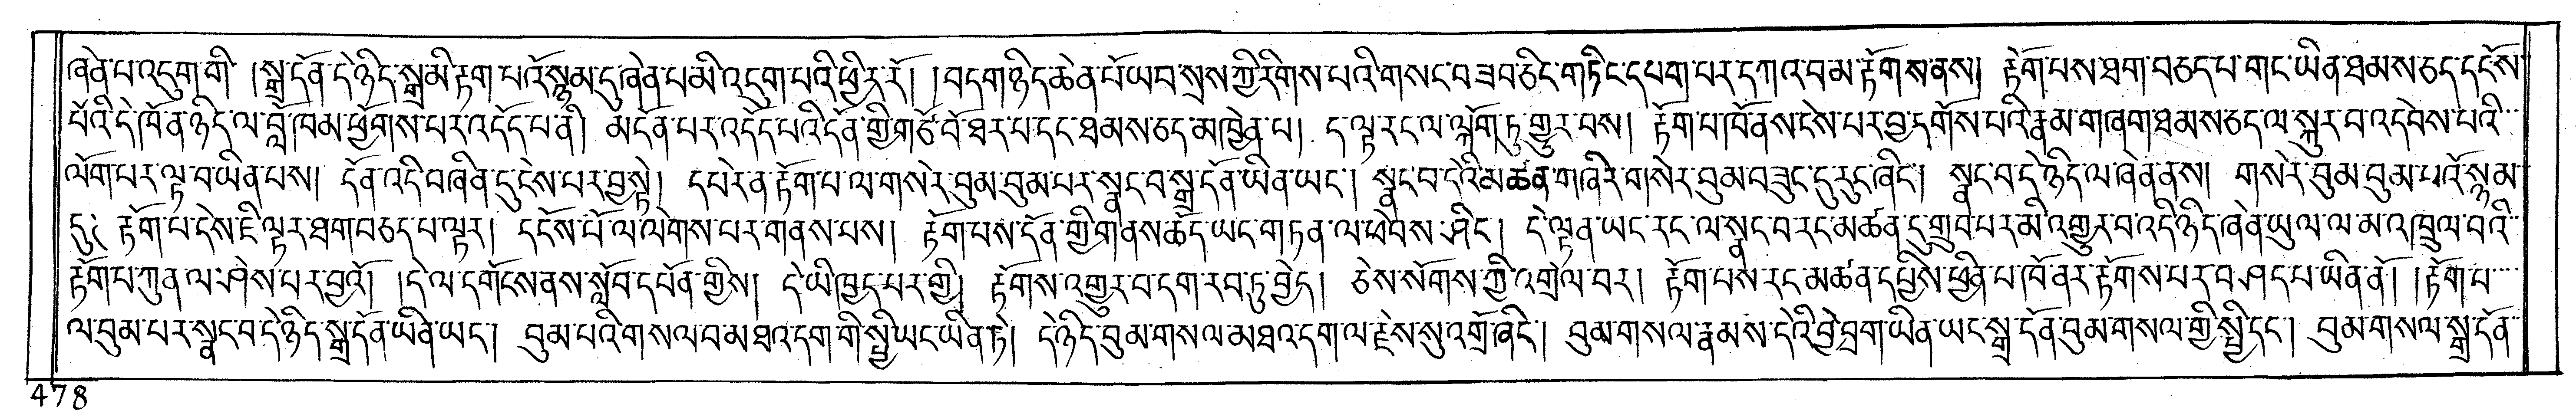ཞེན་པ་འདུག་གི །སྒྲ་དོན་དེ་ཉིད་སྒྲ་མི་རྟག་པའོ་སྙམ་དུ་ཞེན་པ་མི་འདུག་པའི་ཕྱིར་རོ། །བདག་ཉིད་ཆེན་པོ་ཡབ་སྲས་ཀྱི་རིགས་པའི་གསང་བ་ཟབ་ཅིང་གཏིང་དཔག་པར་དཀའ་བ་མ་རྟོགས་ནས། རྟོག་པས་ཐག་བཅད་པ་གང་ཡིན་ཐམས་ཅད་དངོས་
པོའི་དེ་ཁོ་ན་ཉིད་ལ་བློ་ཁ་མ་ཕྱོགས་པར་འདོད་པ་ནི། མངོན་པར་འདོད་པའི་དོན་གྱི་གཙོ་བོ་ཐར་པ་དང་ཐམས་ཅད་མཁྱེན་པ། ད་ལྟ་རང་ལ་ལྐོག་ཏུ་གྱུར་པས། རྟོག་པ་ཁོ་ནས་ངེས་པར་བྱ་དགོས་པའི་རྣམ་གཞག་ཐམས་ཅད་ལ་སྐུར་བ་འདེབས་པའི་
ལོག་པར་ལྟ་བ་ཡིན་པས། དོན་འདི་བཞིན་དུ་ངེས་པར་བྱ་སྟེ། དཔེར་ན་རྟོག་པ་ལ་གསེར་བུམ་བུམ་པར་སྣང་བ་སྒྲ་དོན་ཡིན་ཡང་། སྣང་བ་དེའི་མཚན་གཞིར་གསེར་བུམ་བཟུང་དུ་རུང་ཞིང་། སྣང་བ་དེ་ཉིད་ལ་ཞེན་ནས། གསེར་བུམ་བུམ་པའོ་སྙམ་
དུ༑ རྟོག་པ་དེས་ཇི་ལྟར་ཐག་བཅད་པ་ལྟར། དངོས་པོ་ལ་ལེགས་པར་གནས་པས། རྟོག་པས་དོན་གྱི་གནས་ཚོད་ཡང་གཏན་ལ་ཕེབས་ཤིང་། དེ་ལྟ་ན་ཡང་རང་ལ་སྣང་བ་རང་མཚན་དུ་གྲུབ་པར་མི་འགྱུར་བ་འདི་ཉིད་ཞེན་ཡུལ་ལ་མ་འཁྲུལ་བའི་
རྟོག་པ་ཀུན་ལ་ཤེས་པར་བྱའོ། །དེ་ལ་དགོངས་ནས་སློབ་དཔོན་གྱིས། དེ་ཡི་ཁྱད་པར་གྱི། རྟོགས་འགྱུར་བ་དག་རབ་ཏུ་བྱེད། ཅེས་སོགས་ཀྱི་འགྲེལ་པར། རྟོག་པས་རང་མཚན་དཔྱིས་ཕྱིན་པ་ཁོ་ནར་རྟོགས་པར་བཤད་པ་ཡིན་ནོ། །རྟོག་པ་
ལ་བུམ་པར་སྣང་བ་དེ་ཉིད་སྒྲ་དོན་ཡིན་ཡང་། བུམ་པའི་གསལ་བ་མཐའ་དག་གི་སྤྱི་ཡང་ཡིན་ཏེ། དེ་ཉིད་བུམ་གསལ་མཐའ་དག་ལ་རྗེས་སུ་འགྲོ་ཞིང་། བུམ་གསལ་རྣམས་དེའི་བྱེ་བྲག་ཡིན་ཡང་སྒྲ་དོན་བུམ་གསལ་གྱི་སྤྱི་དང་། བུམ་གསལ་སྒྲ་དོན་